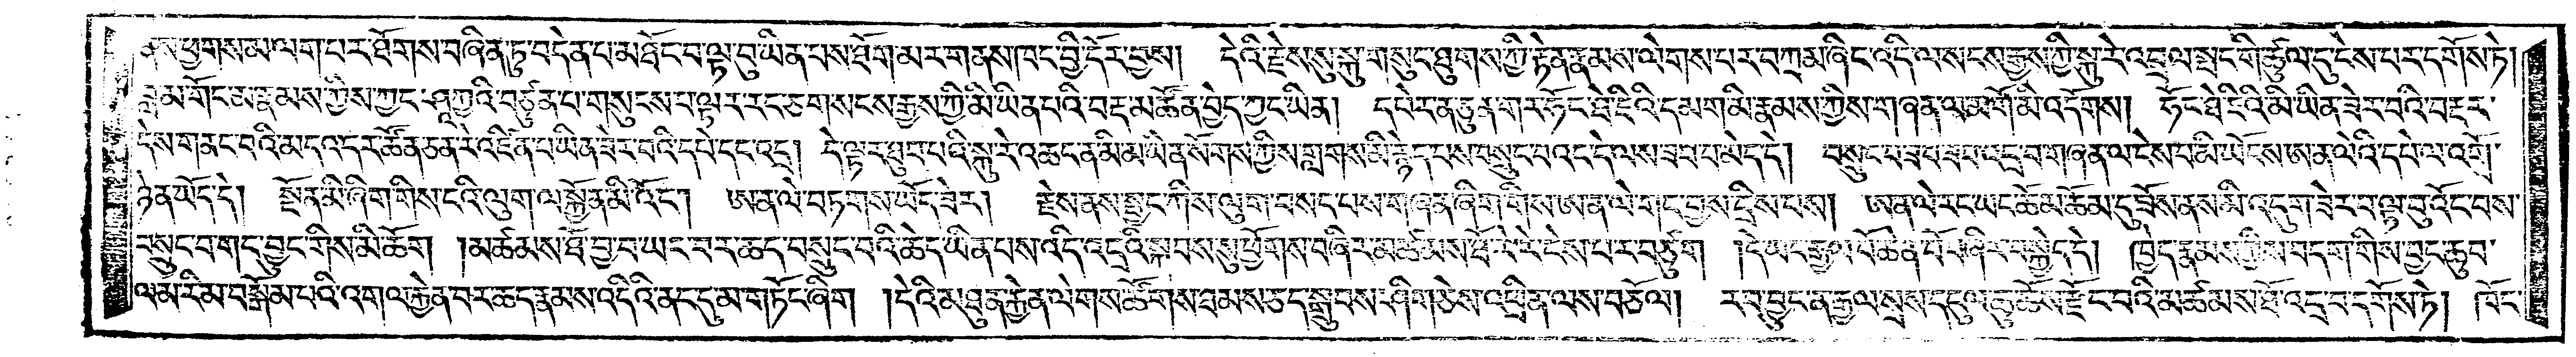ནས་ཕྱགས་མ་ལག་པར་ཐོགས་བཞིན་དུ་བདེན་པ་མཐོང་བ་ལྟ་བུ་ཡིན་པས་ཐོག་མར་གནས་ཁང་བྱི་དོར་བྱས། དེའི་རྗེས་སུ་སྐུ་གསུང་ཐུགས་ཀྱི་རྟེན་རྣམས་ལེགས་པར་བཀྲམ་ཞིང་འདི་ལ་སངས་རྒྱས་ཀྱི་སྐུ་རེ་འབྲལ་སྤང་གི་ཚུལ་དུ་ངེས་བར་དགོས་ཏེ།
བླ་མ་གོང་མ་རྣམས་ཀྱིས་ཀྱང་ཤཱཀྱའི་བཙུན་པ་གསུངས་པ་ལྟར་རང་ཅག་སངས་རྒྱས་ཀྱི་མི་ཡིན་བའི་བརྡ་མཚོན་བྱེད་ཀྱང་ཡིན། དཔེར་ན་ཅུན་གར་ཧོང་ཐེ་ཇིའི་དམག་མི་རྣམས་ཀྱིས་གཞན་ལ་མགོ་མི་འདོགས། ཧོང་ཐེ་ཇིའི་མི་ཡིན་ཟེར་བའི་བརྡར་
དེས་གནང་བའི་མང་འདར་ཚོན་ཅན་རེ་འཛིན་པ་ཡིན་ཟེར་བའི་དཔེ་དང་འདྲ། དེ་ལྟར་ཐུབ་པའི་སྐུ་རེ་འཆང་ན་མི་མ་ཡིན་སོགས་ཀྱིས་གླགས་མི་རྙེད་པས་བསྲུང་བའང་དེ་ལས་ཟབ་པ་མེད་དེ། བསྲུང་བ་ཟབ་ཟབ་འདྲ་བ་གཞན་ལ་ངེས་པ་མི་ཡོངས་ཨ་ན་ལེའི་དབེལ་འགྲོ་
ཉེན་ཡོད་དེ། སྔོན་མི་ཞིག་གིས་ངའི་ལུག་ལ་སྐྱོན་མི་འོང་། ཨ་ན་ལེ་བཏགས་ཡོད་ཟེར། རྗེས་ནས་སྤྱང་ཀིས་ལུག་བསང་པས་གཞན་ཞིག་གིས་ཨན་ལེ་གང་བྱས་དྲིས་པས། ཨན་ལེ་རང་ཡང་ཆོམ་ཆོམ་དུ་ཟོས་ནས་མི་འདུག་ཟེར་བ་ལྟ་བུ་འོང་བས་
བསྲུང་བ་གང་བྱུང་གིས་མི་ཆོག །མཚམས་ཐོ?་བྱ་བ་ཡང་བར་ཆད་བསྲུང་བའི་ཆེད་ཡིན་པས་འདི་འདྲའི་སྐབས་སུ་ཕྱོགས་བཞིར་མཚམས་ཐོ་རེ་རེ་ངེས་པར་བཙུག །དེ་ཡང་རྒྱལ་པོ་ཆེན་པོ་བཞིར་བསྐྱེད་དེ། ཁྱེད་རྣམས་ཀྱིས་བདག་གིས་བྱང་ཆུབ་
ལམ་རིམ་བསྒོམ་པའི་འགལ་རྐྱེན་བར་ཆད་རྣམས་འདིའི་ནང་དུ་མ་གཏོང་ཞིག །དེའི་མཐུན་རྐྱེན་ལེགས་ཚོགས་ཐམས་ཅད་སྒྲུབས་ཤིག་ཅེས་འཕྲིན་ལས་བཅོལ། རབ་བྱུང་ན་རྒྱལ་སྲས་དངུལ་ཆུ་ཆོས་རྫོང་བའི་མཚམས་ཐོ་འདྲ་བ་དགོས་ཏེ། ཁོང་